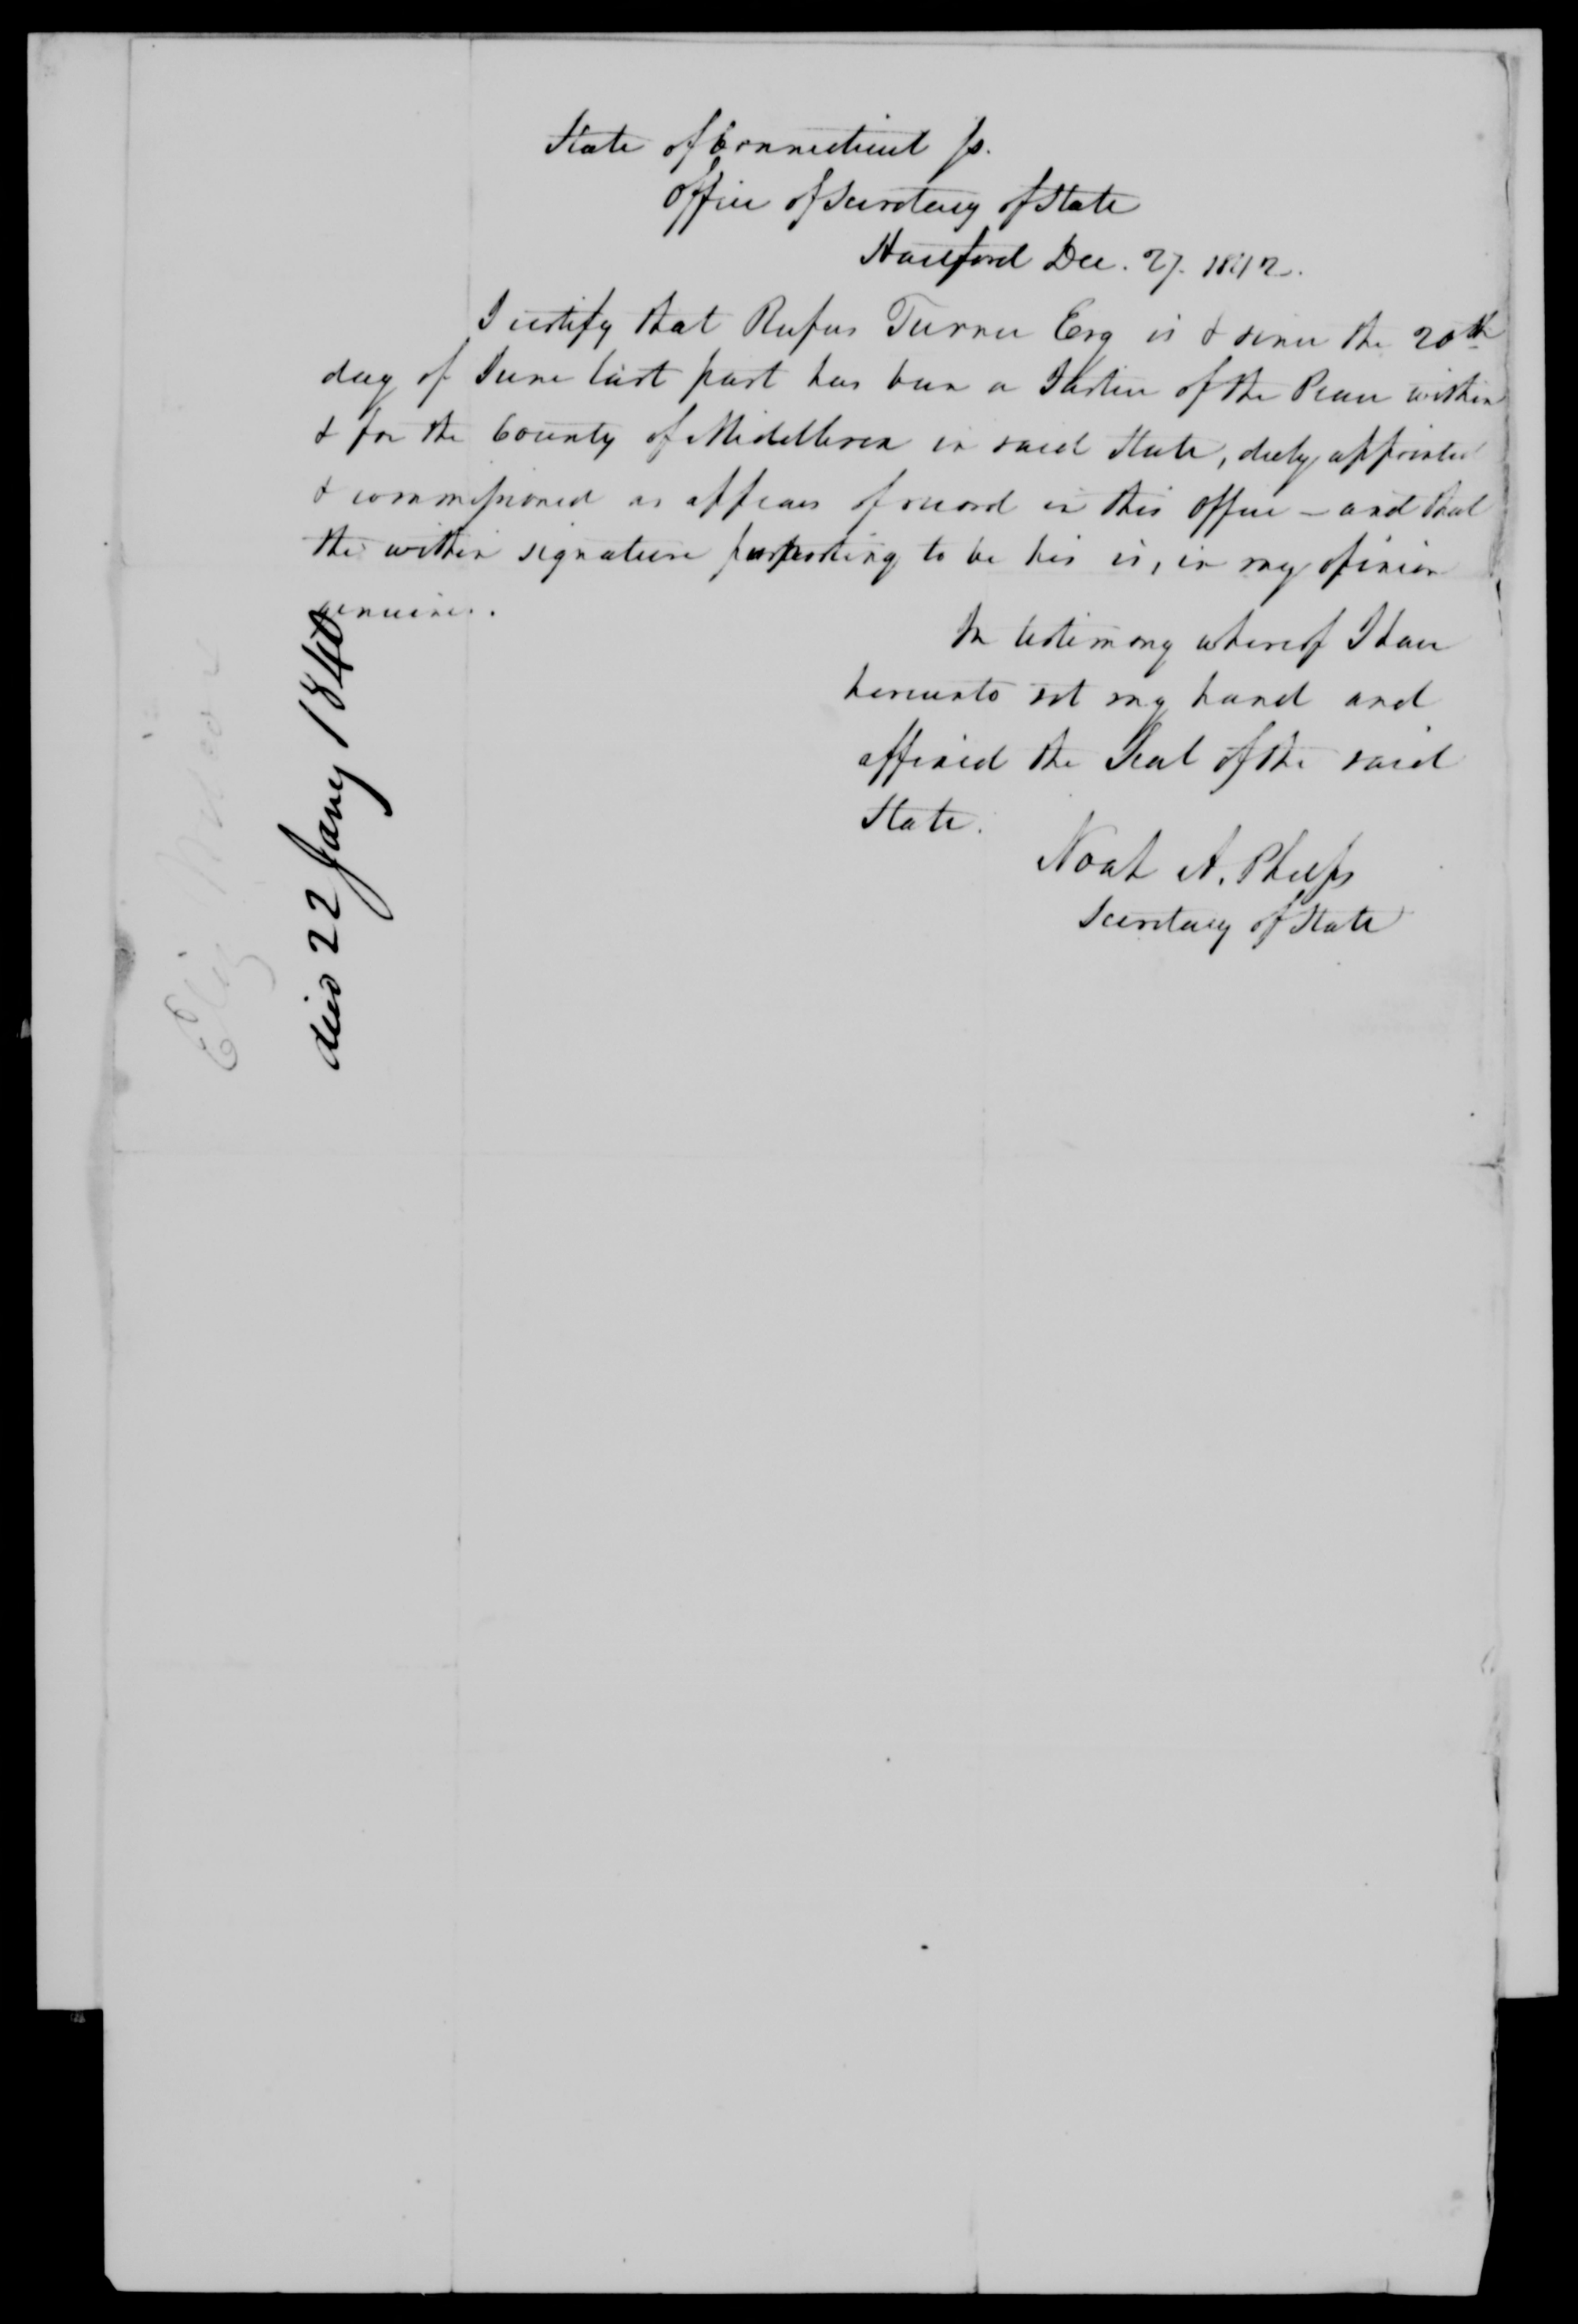State of Connecticut SS.
Office of Secretary of State
Hartford Dec. 27. 1842
I certify that Rufus Turner Esq is & since the 20th day of June last part has been a Justice of the Peace within & for the County of Middlesex in said State, duly appointed & commissioned as officer of record in this office— and that the written signature purporting to be his is, in my opinion, genuine.
In testimony whereof I have hereunto set my hand and affixed the seal of the said State.
Noah A. Phelps
Secretary of State
Died 22 Jany 1840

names: Noah A Phelps, Rufus Turner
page: 5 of 46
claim: widow's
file: W. 18,417, James Willcox, Conn.